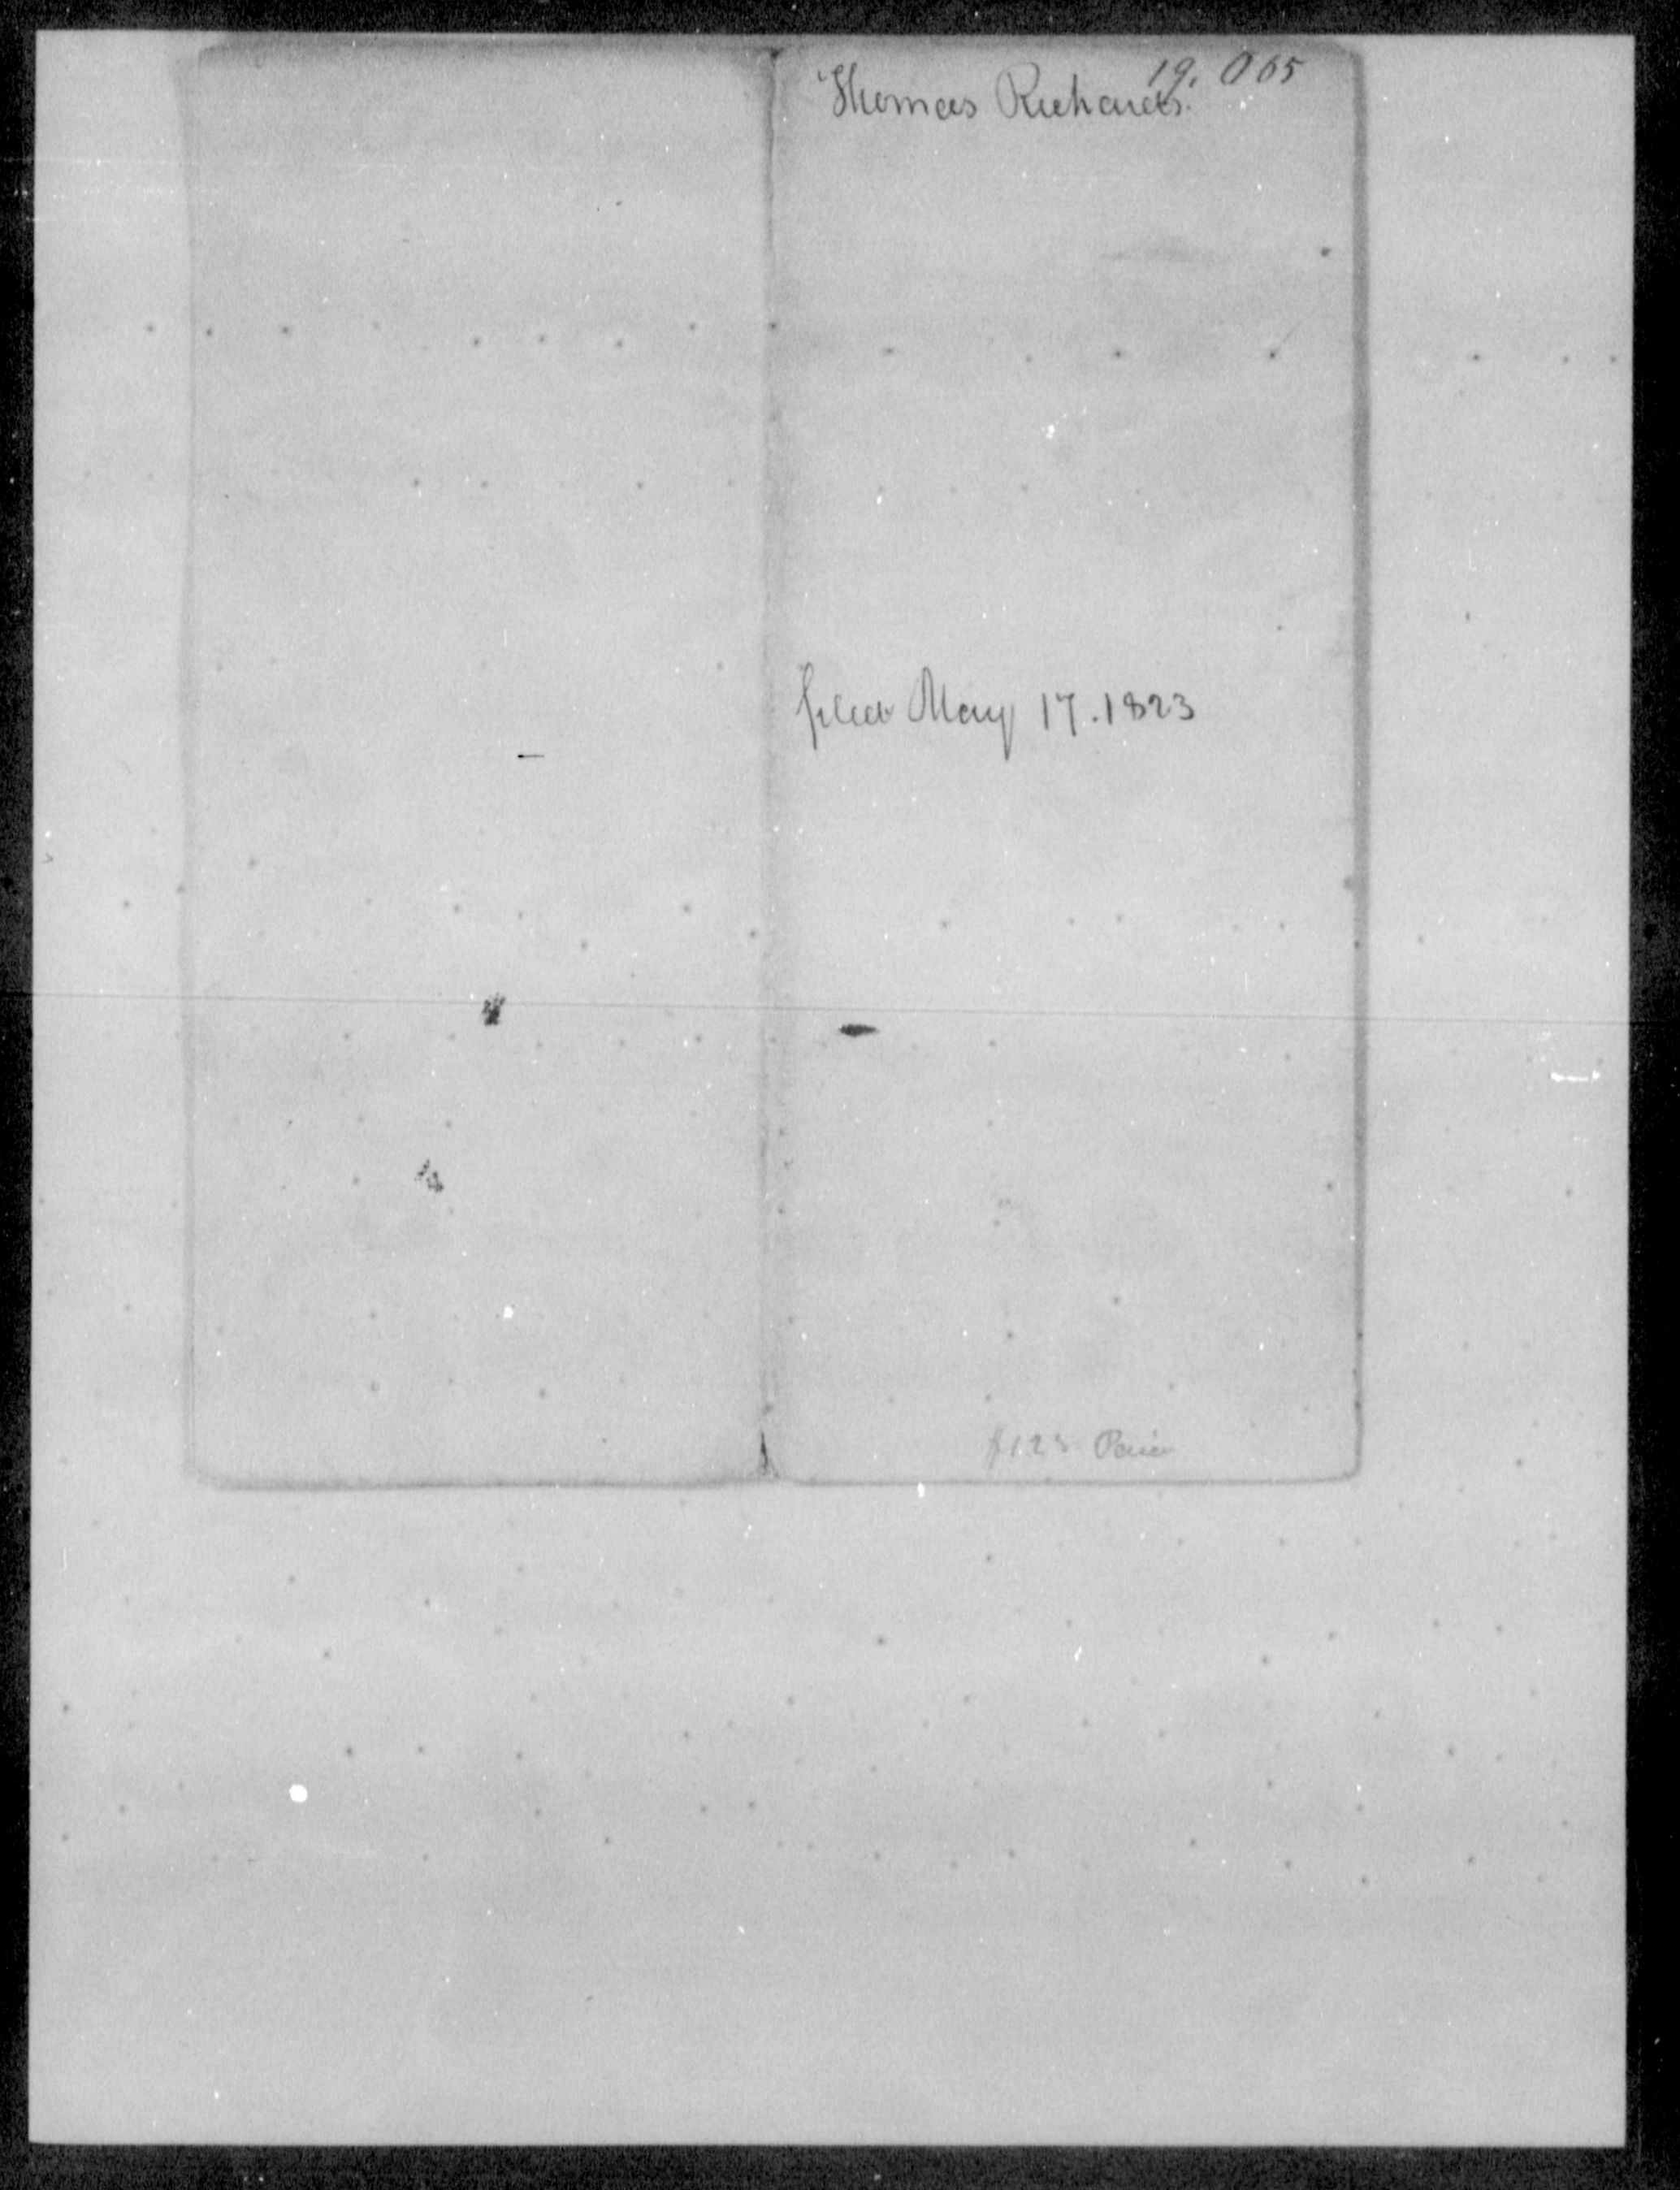19.065
Thomas Richard
filed May 17. 1823
$123 Paid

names: Thomas Richards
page: 29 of 109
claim: widow's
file: W. 5709, for Thomas Richards, New Hampshire